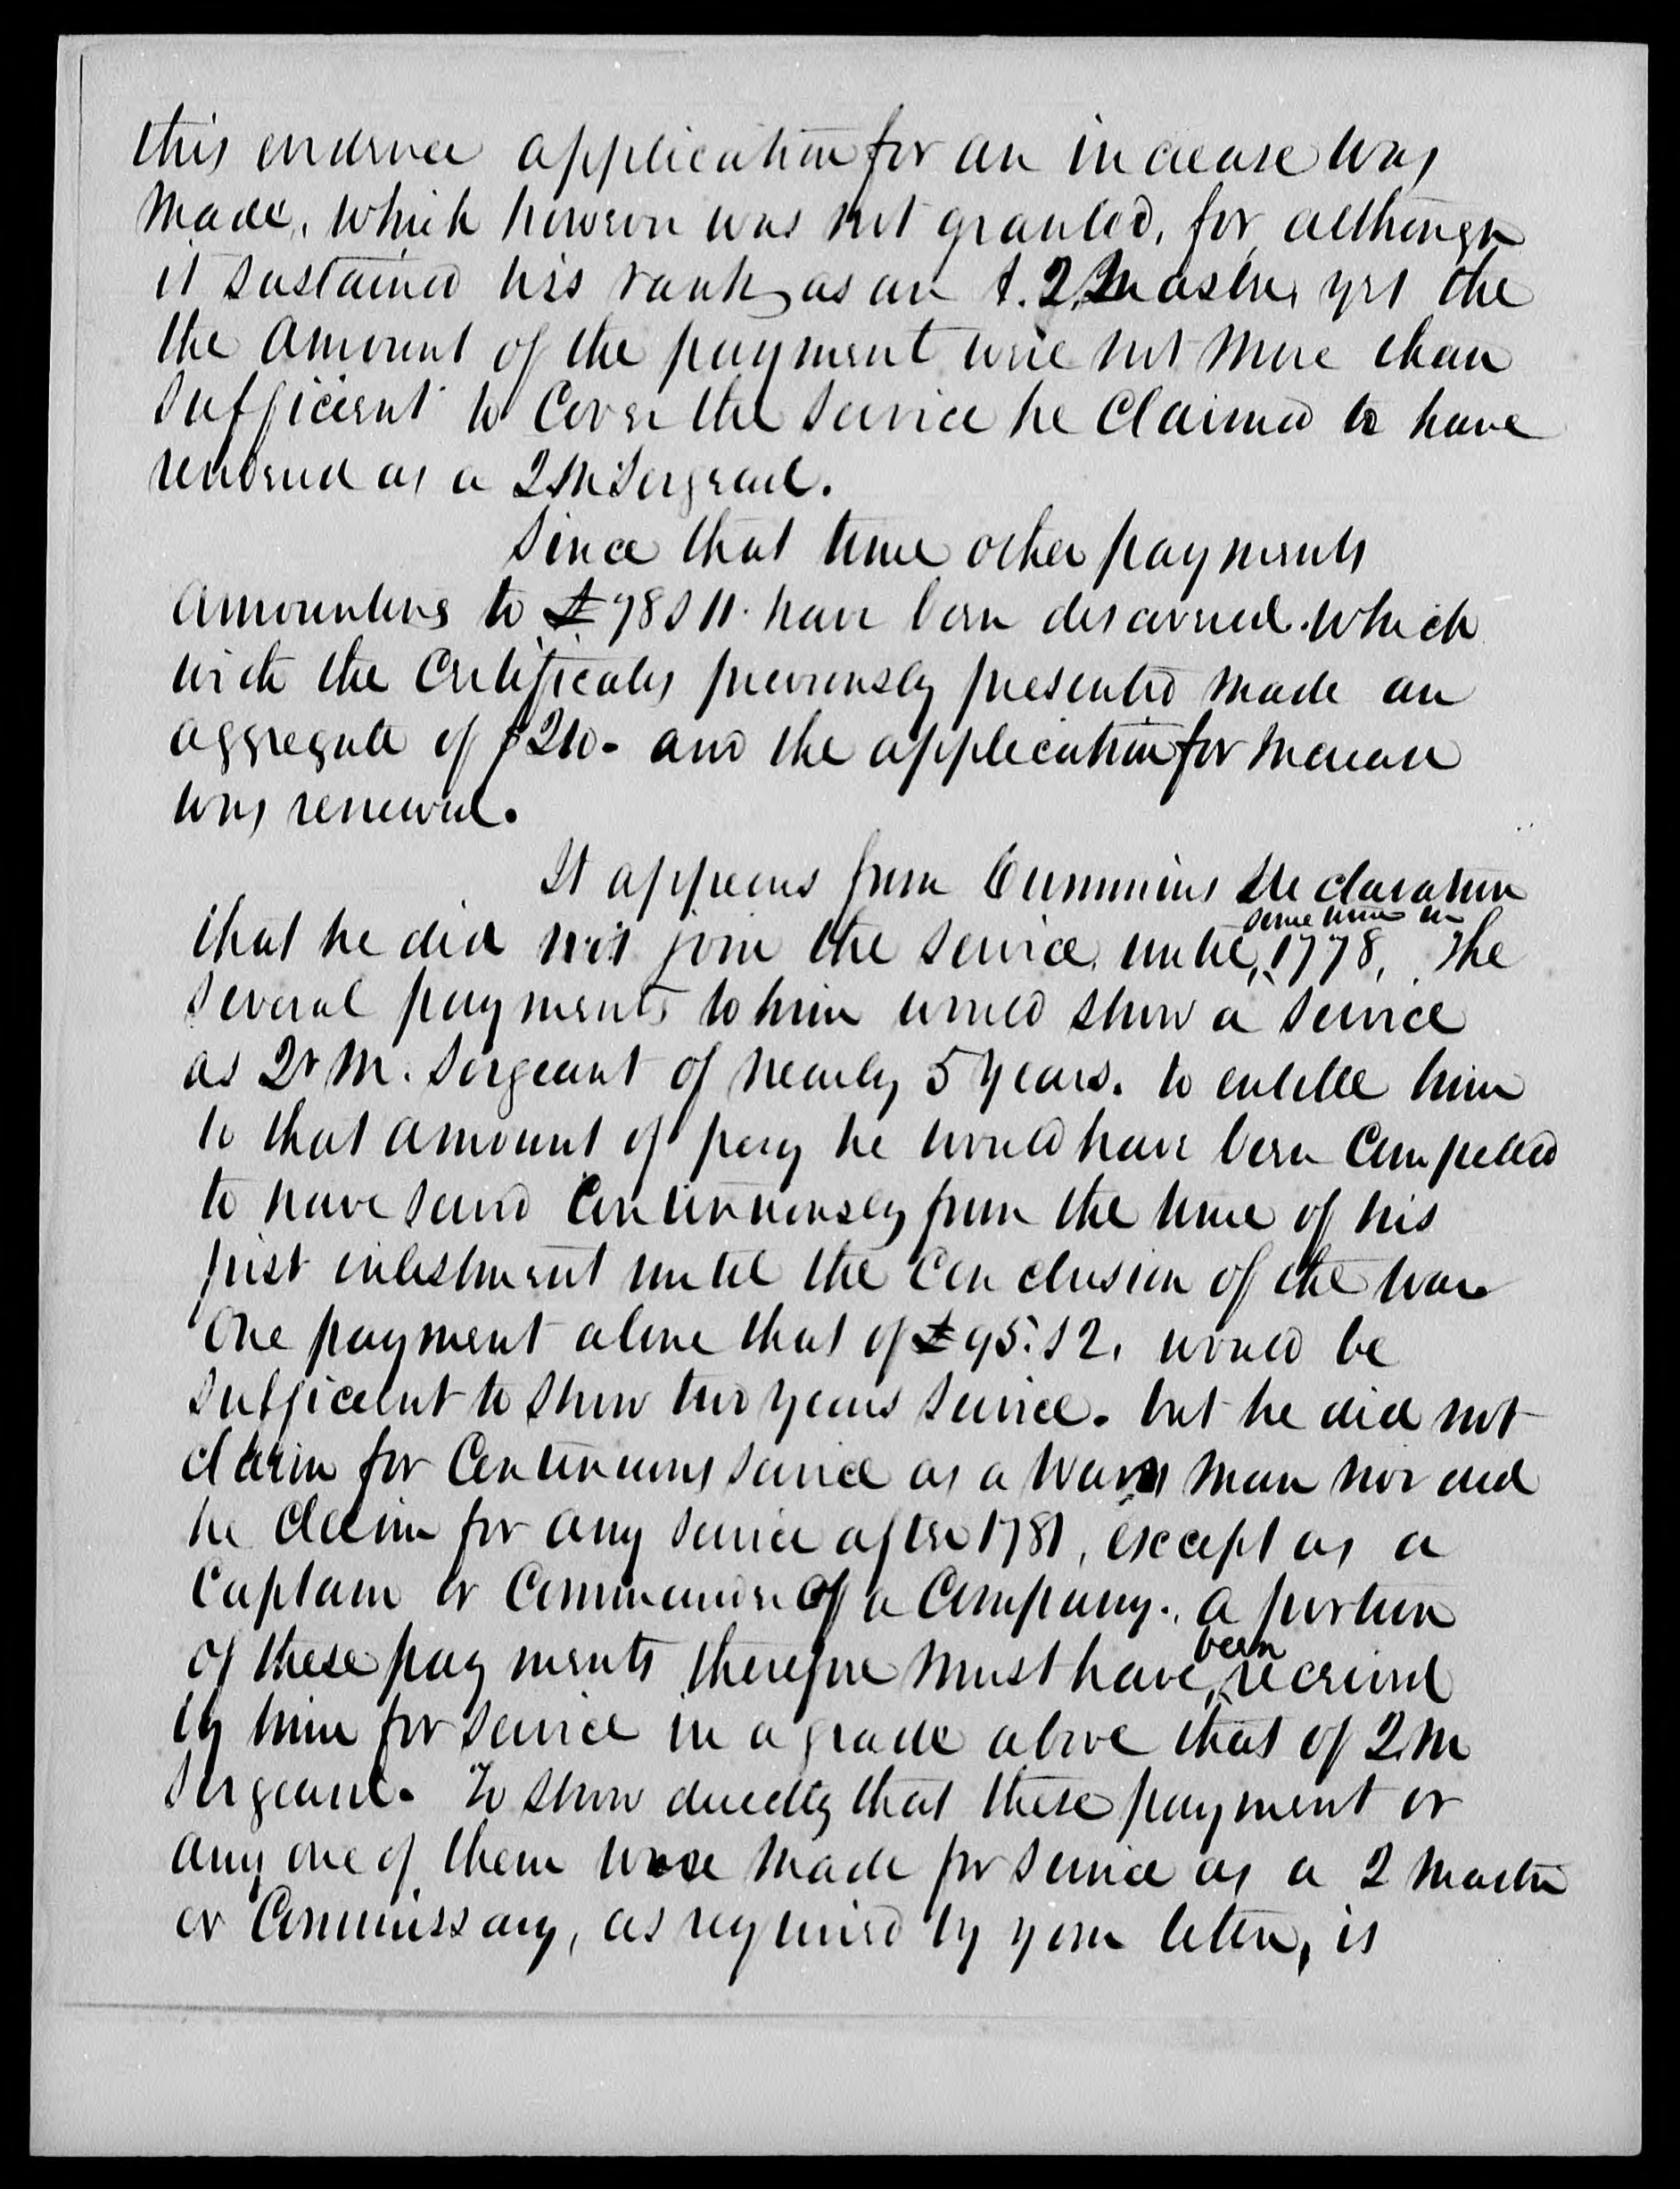[Second page of a letter.  Occasional spacing has been included to make the long text block easier to read.]

this evidence application for an increase Was Made, which however was not granted, for although it Sustained his rank as an A. Q. [Assistant Quarter] Master, yet the Amount of the payment were [or will] not more than Sufficient to Cover the Service he Claimed to have rendered as a Q.M. [Quarter Master] Serjeant [Sergeant.]

Since that time other payments Amounting to [monetary pound sign] 78011 [or 98011, perhaps meaning 780.11 pounds, or 980.11 pounds] have been discovered.  Which with the Certificates previously presented made an aggregate of $210- and the application for Increase was renewed.

It appears from Cummins declaration that he did [here it appears a presently illegible word was initially written and  erased, with the following word written over it:] not join the Service until ^ some time in 1778, The Several payments to him would show a Service as Qr.M [Quarter Master] Sergeant of nearly 5 Years.  to entitle him to that Amount of pay he would have been Compelled to have served Continuously from the time of his first enlistment until the Conclusion of the War.

One payment alone that of [monetary pound sign] 95.12, would be Sufficient to show two years Service.  but he did not Claim for Continuous Service as a [here the following word apppears to have been overwritten, and now to read as either:] War [or Wars] Man Nor did he Claim for Any service after 1781, except as a Captain or Commander of a Company.

A portion of these payments therefore Must have ^been received by him for Service in a grade above that of Q.M [Quarter Master] Sergeant.  To show [?] directly that these payment or any one of them [here the next word was overwritten, and appears to read:] was [or were] Made for Service as a Q [Quarter] Master or Commissary, as required by you [illegible, possibly ?] later, is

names: Cummins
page: 76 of 145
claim: survivor's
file: S. 8265, William Cumming, N.C.